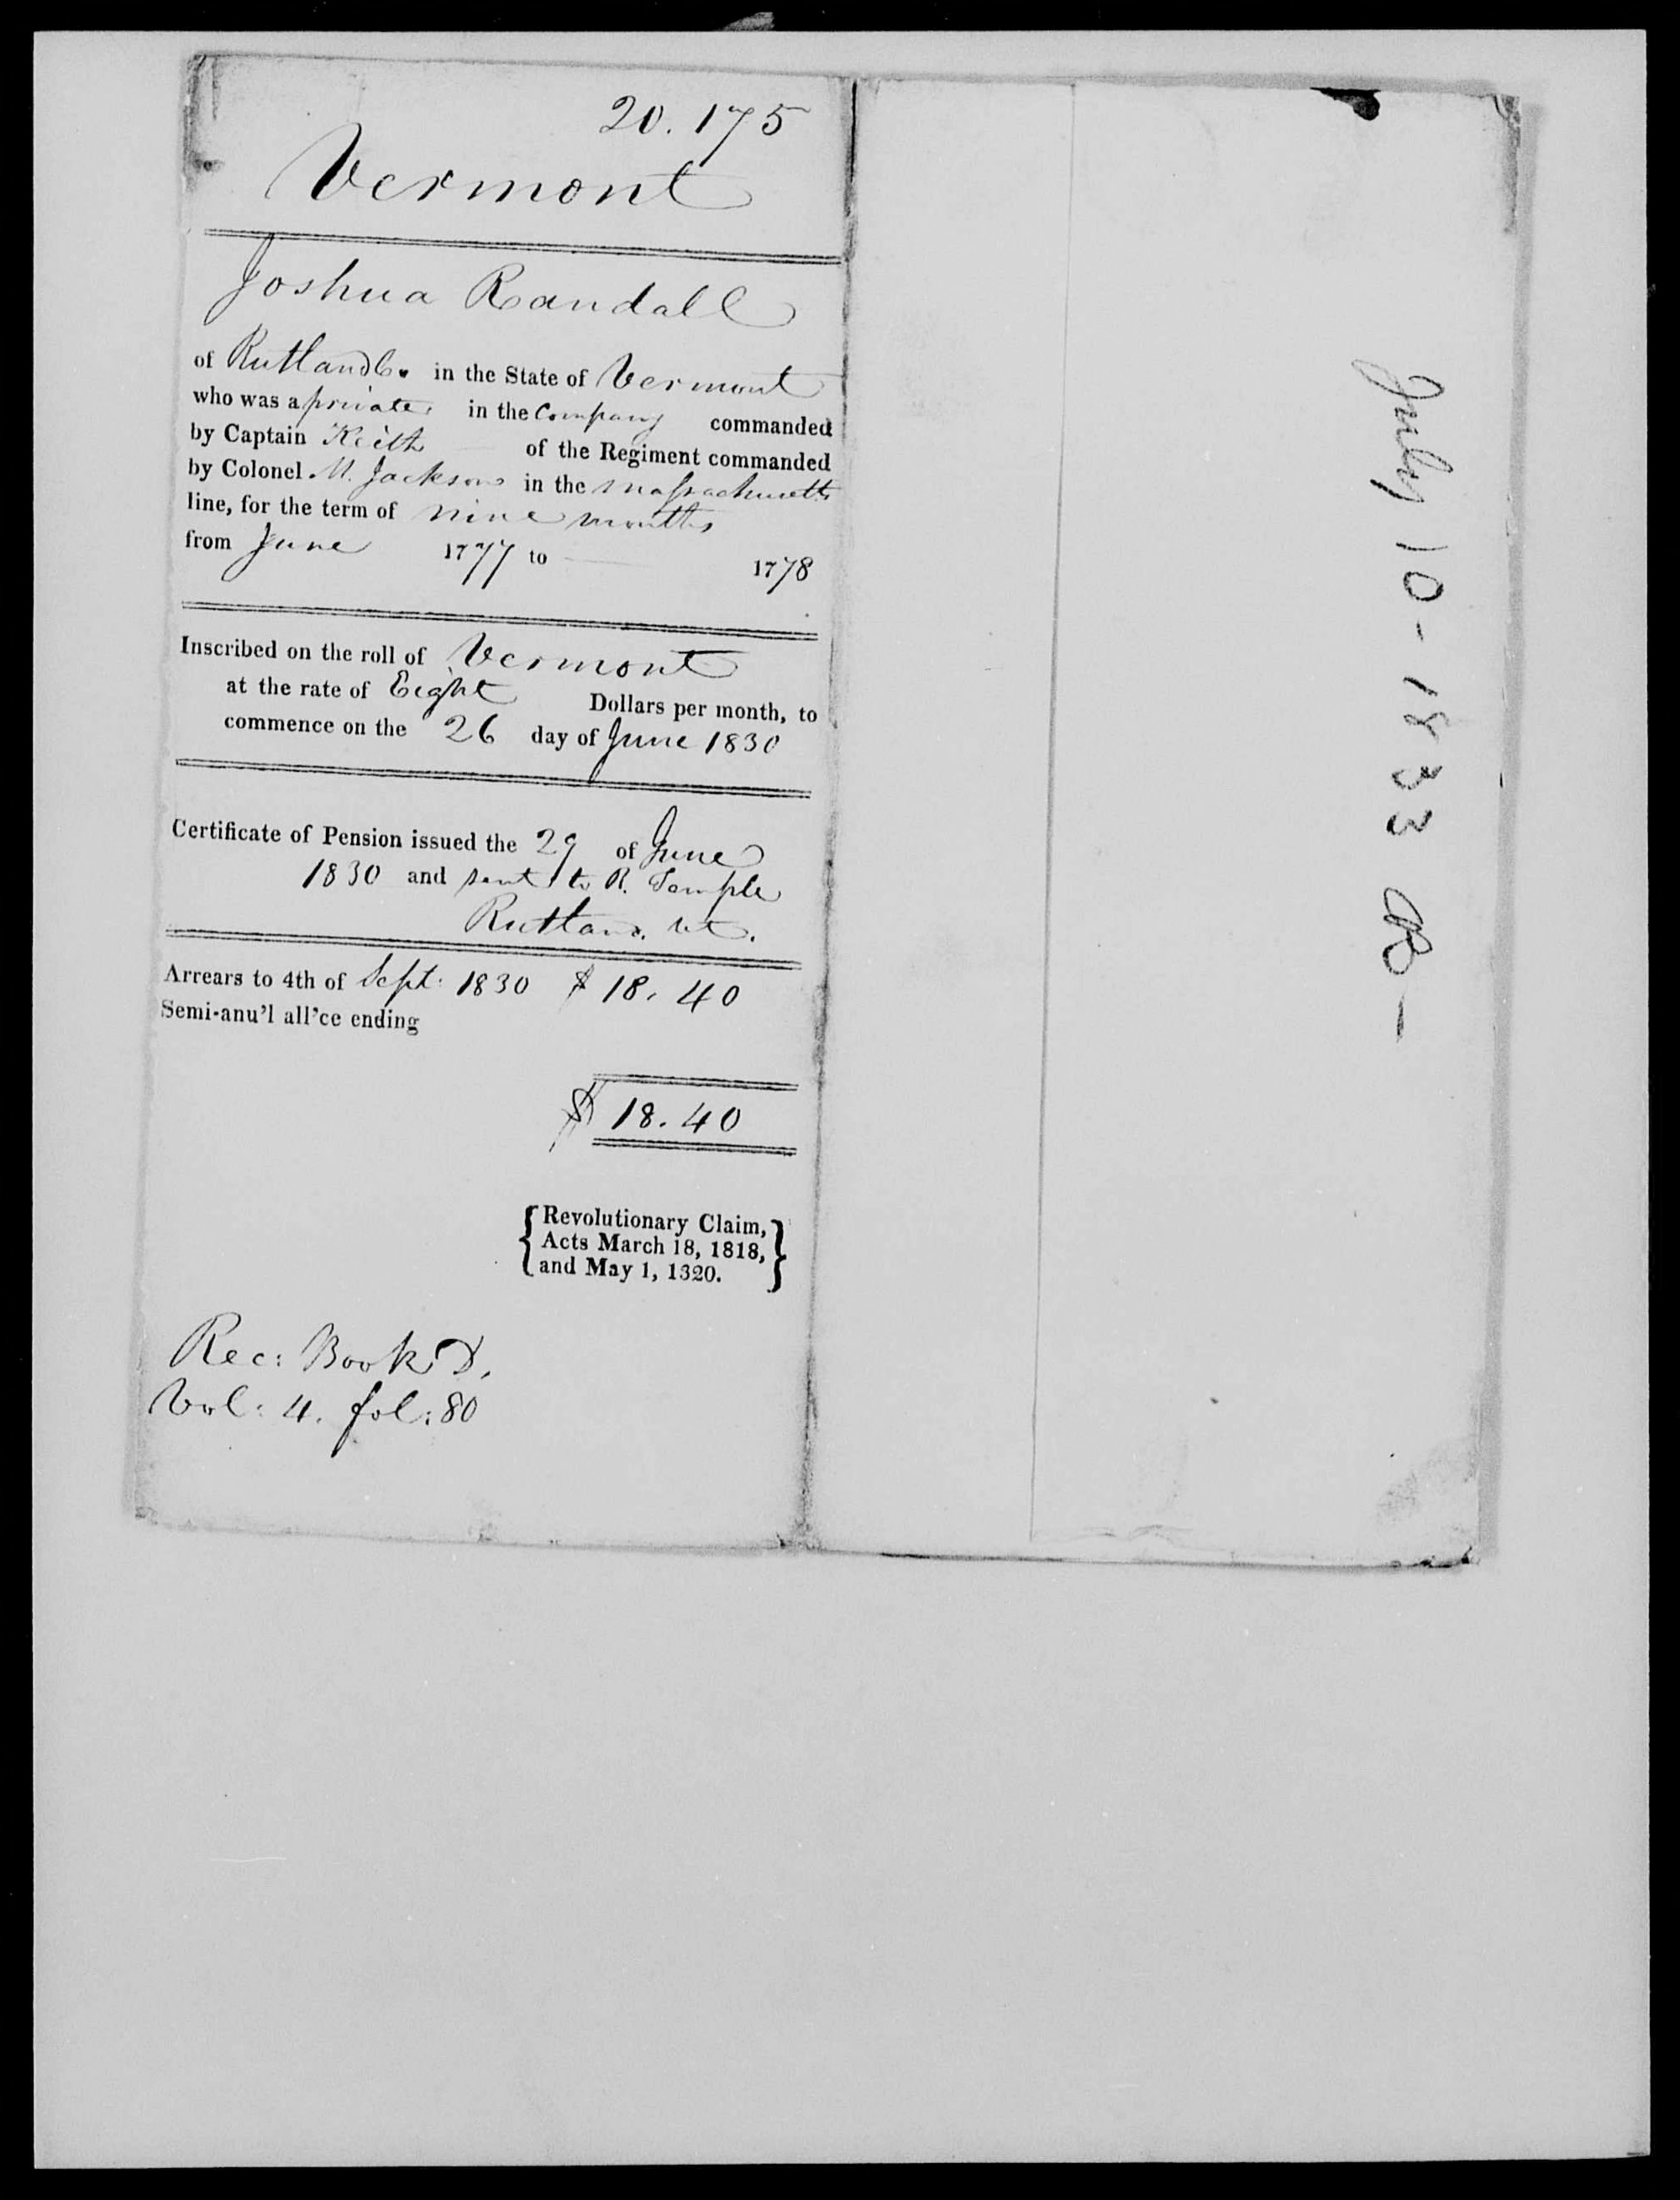20. 175
Vermont
Joshua Randall
of Rutland in the State of Vermont
who was a private in the company commanded
by Captain Keith
of the Regiment commanded
by Colonel M. Jackson in the Massachusetts
line, for the term of nine months
from June
1777 to [blank]
1778
Inscribed on the roll of Vermont
at the rate of Eight
Dollars per month, to
commence on the 26 day of June 1830
Certificate
of Pension issued the 24 of June
1830 and sent to R. Temple
Rutland Vt
Arrears to 4th of Sept. 1830 $18.40
Semi-anu'l all'ce ending
$18.40

Revolutionary Claim,
Acts March 18, 1818,
and May 1, 1820.

Rec. Book D. &
Vol. 4. fol. 80

July 10 - 1833 AB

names: [BLANK] Keith; R Temple; Joshua Randall; M Jackson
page: 2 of 20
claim: survivor's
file: S. 41,090, for Joshua Randall, Massachusetts